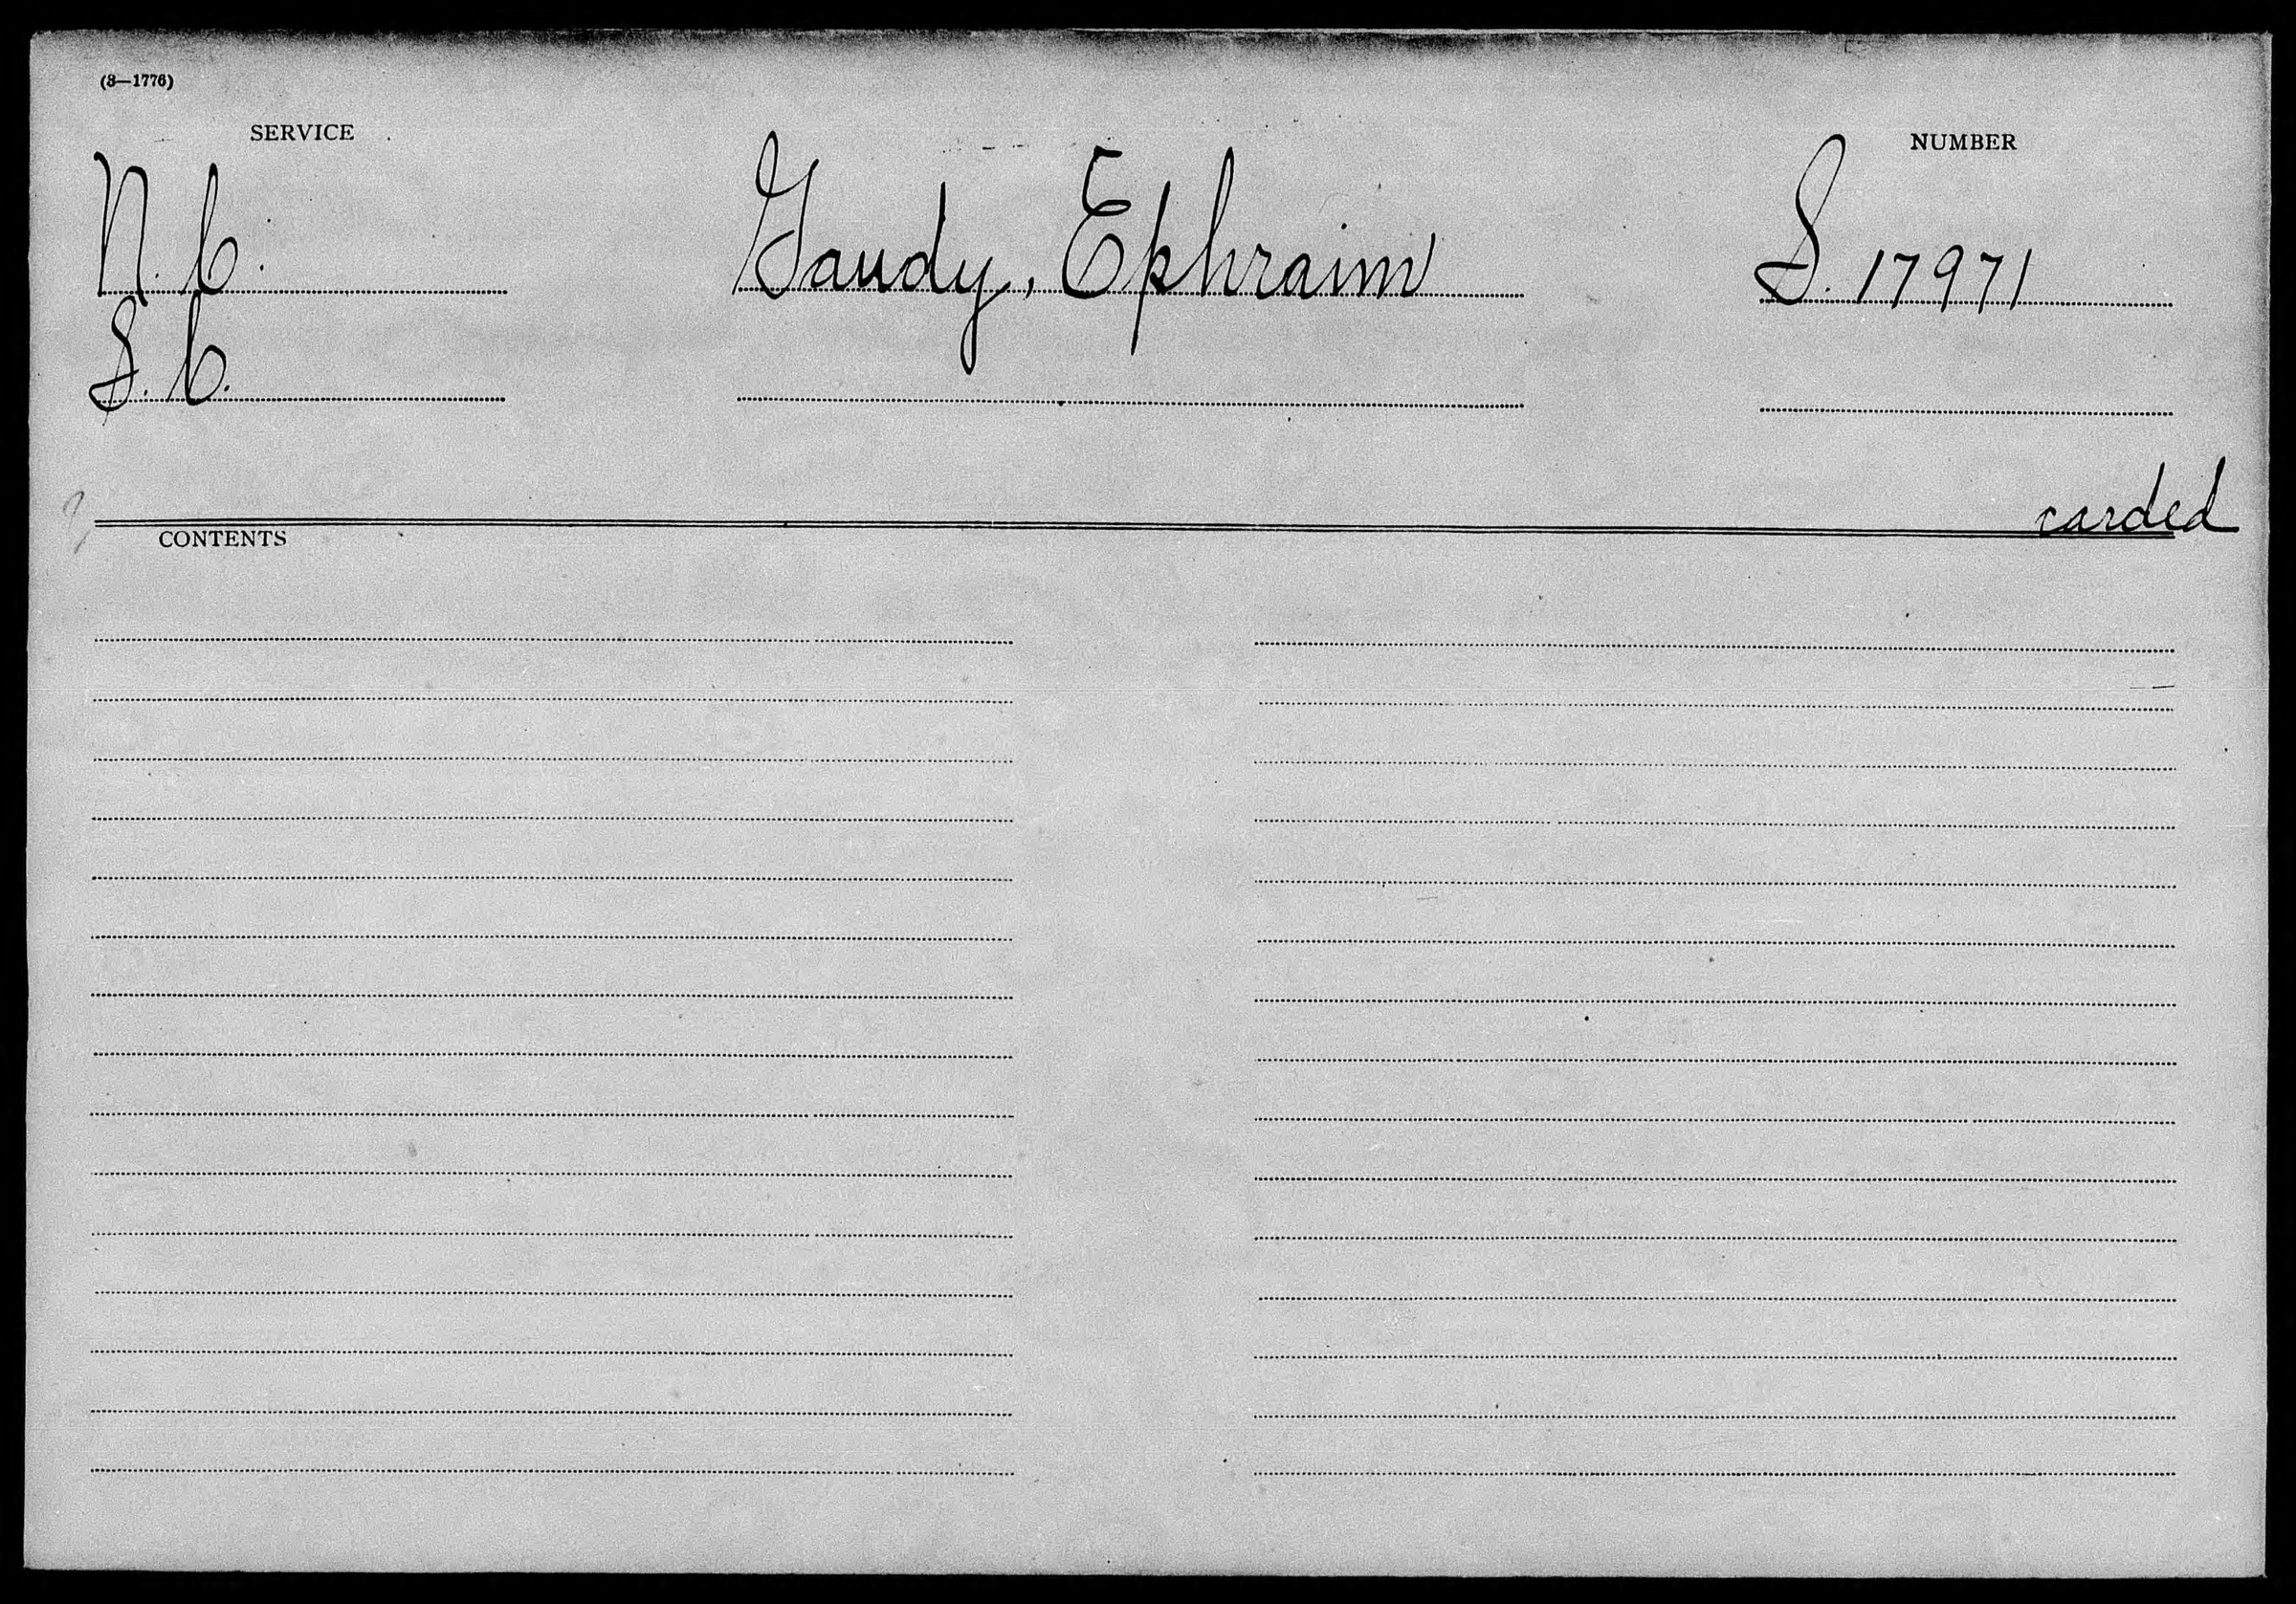(8-1776)
SERVICE N.C.  S.C.
Gaudy, Ephraim
NUMBER S 17971

carded
CONTENTS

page: 1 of 12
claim: survivor's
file: S. 17971, Ephraim Gaudy, N.C. S.C.